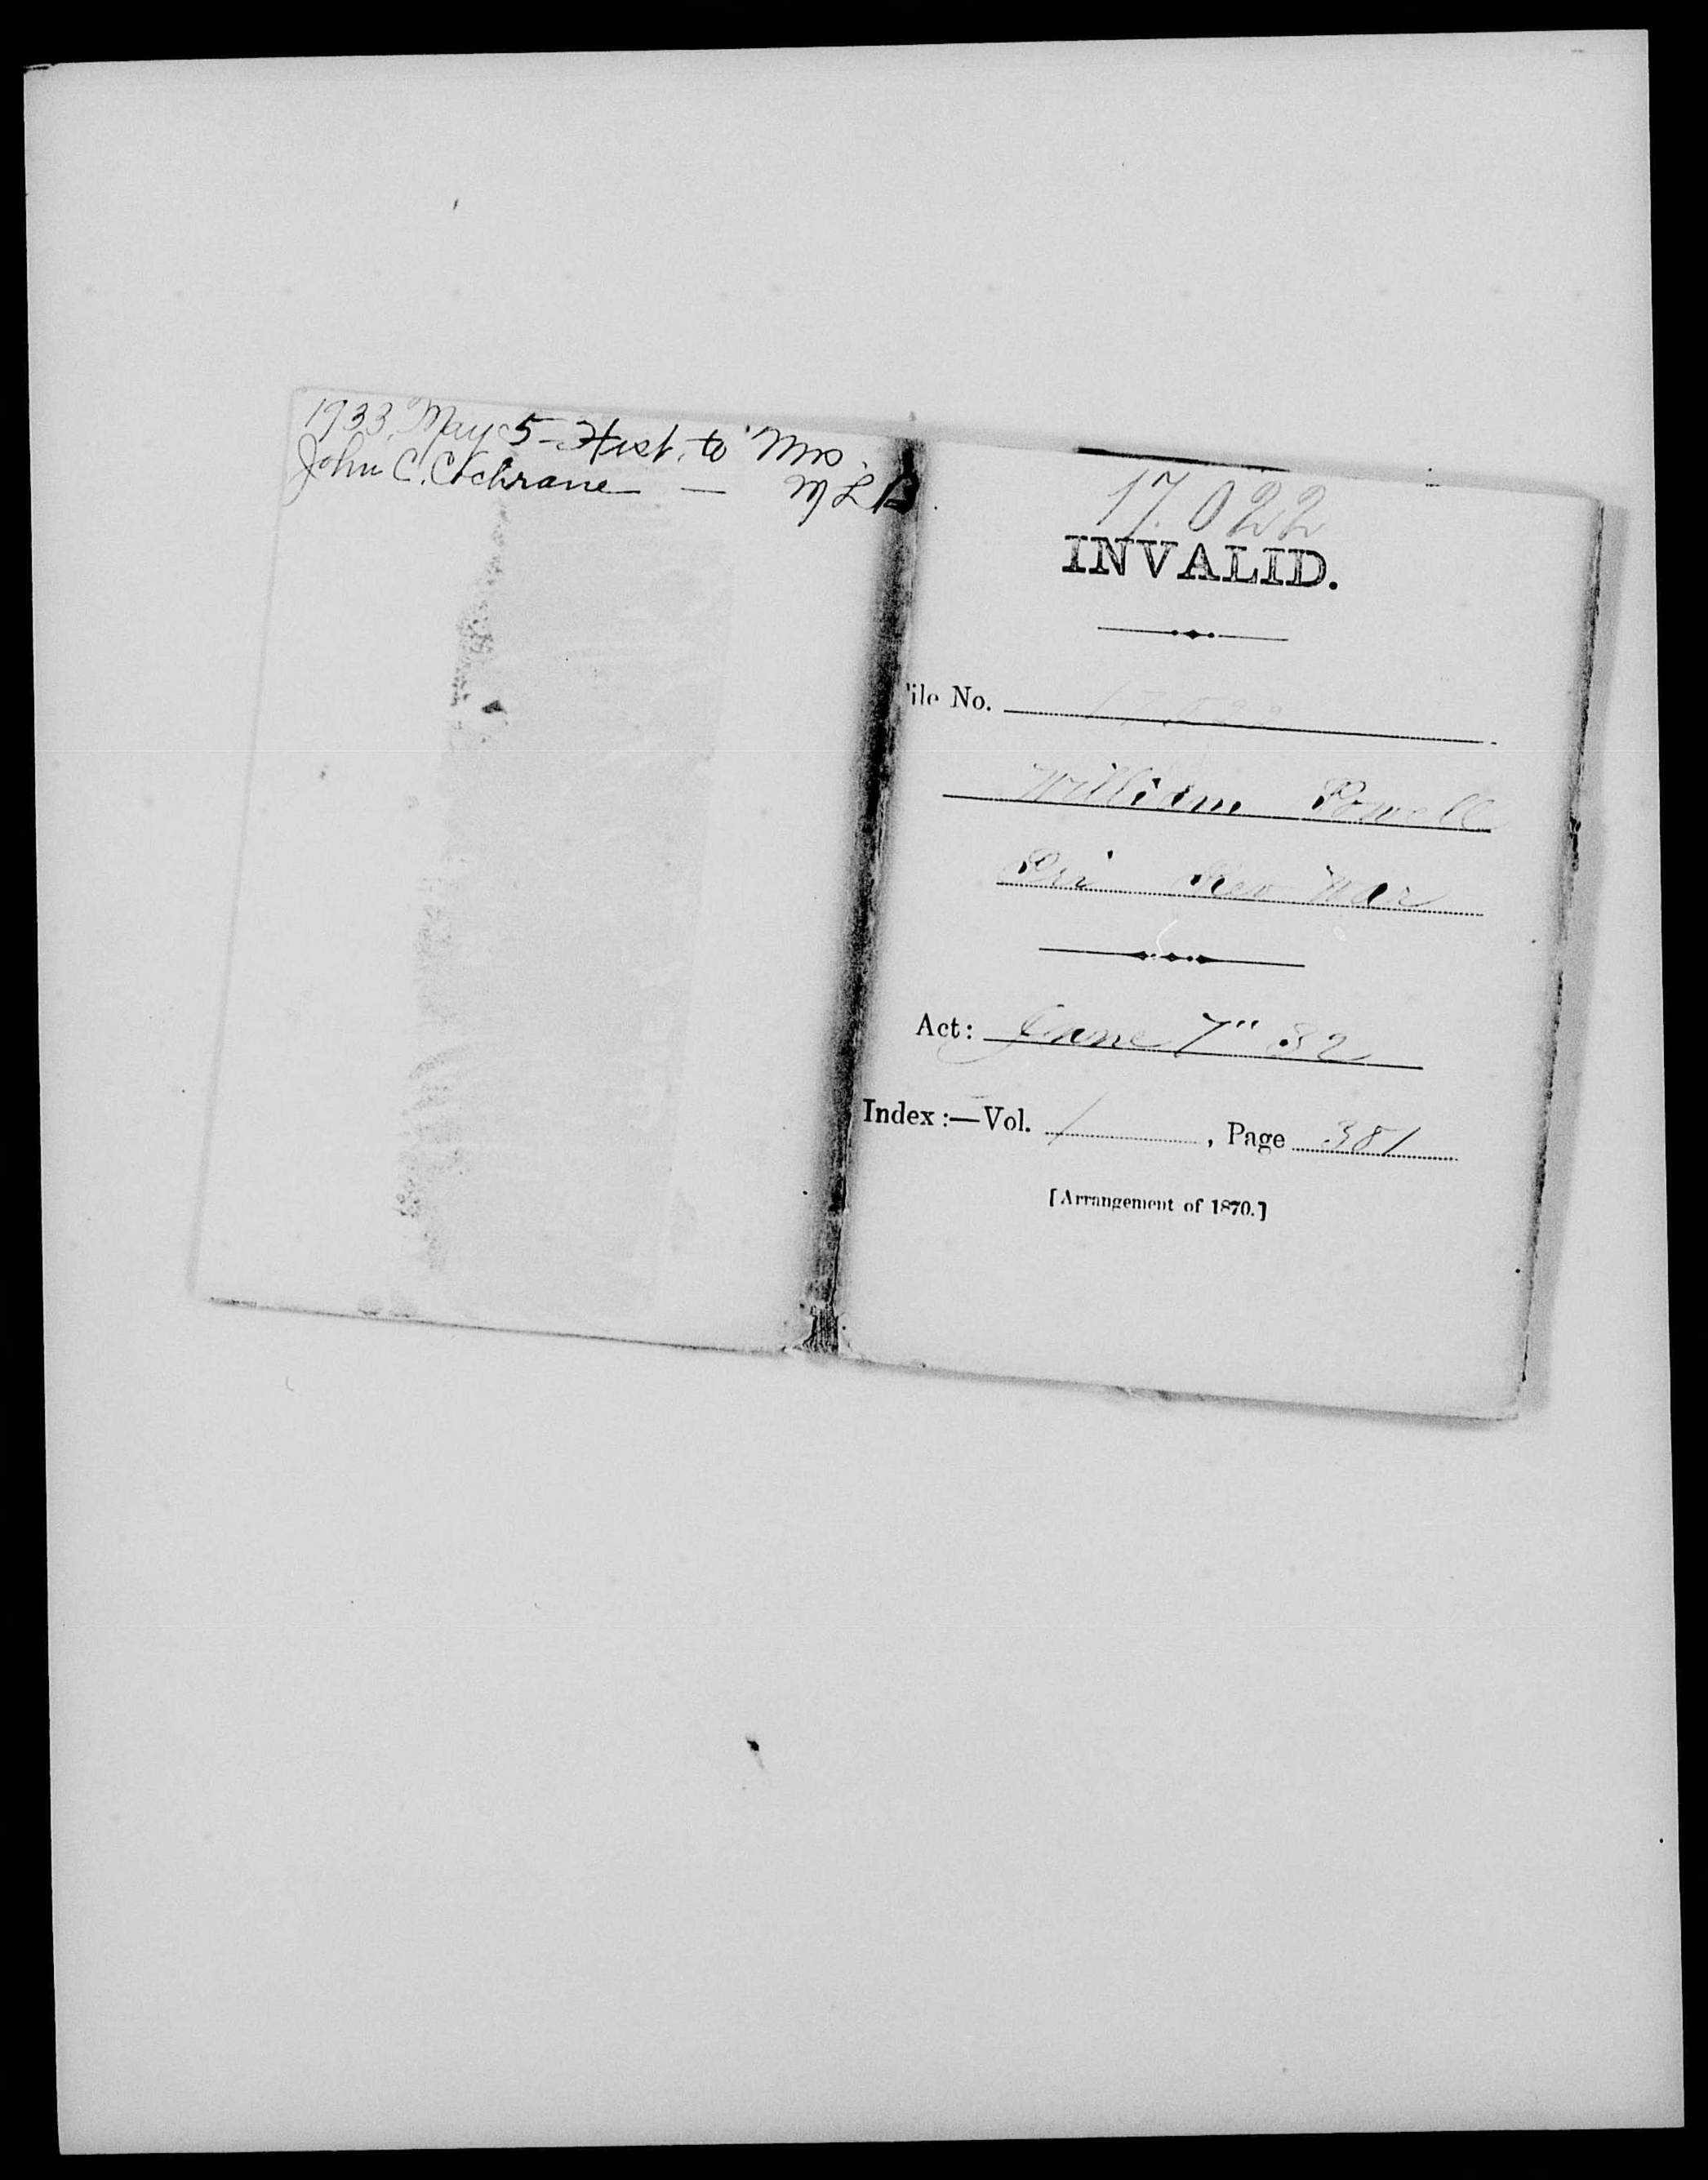1933, May 5 - Hist. to Mrs.
John C. Cochrane - MLB

17.022
INVALID.
File No. 17.022
William Powell
Pri Rev War

Act: June 7" 32
Index: --Vol. 1, Page 381

[Arrangement of 1870.)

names: John C Cochrane; William Powell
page: 13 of 19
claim: survivor's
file: S. 17022, for William Powell, North Carolina